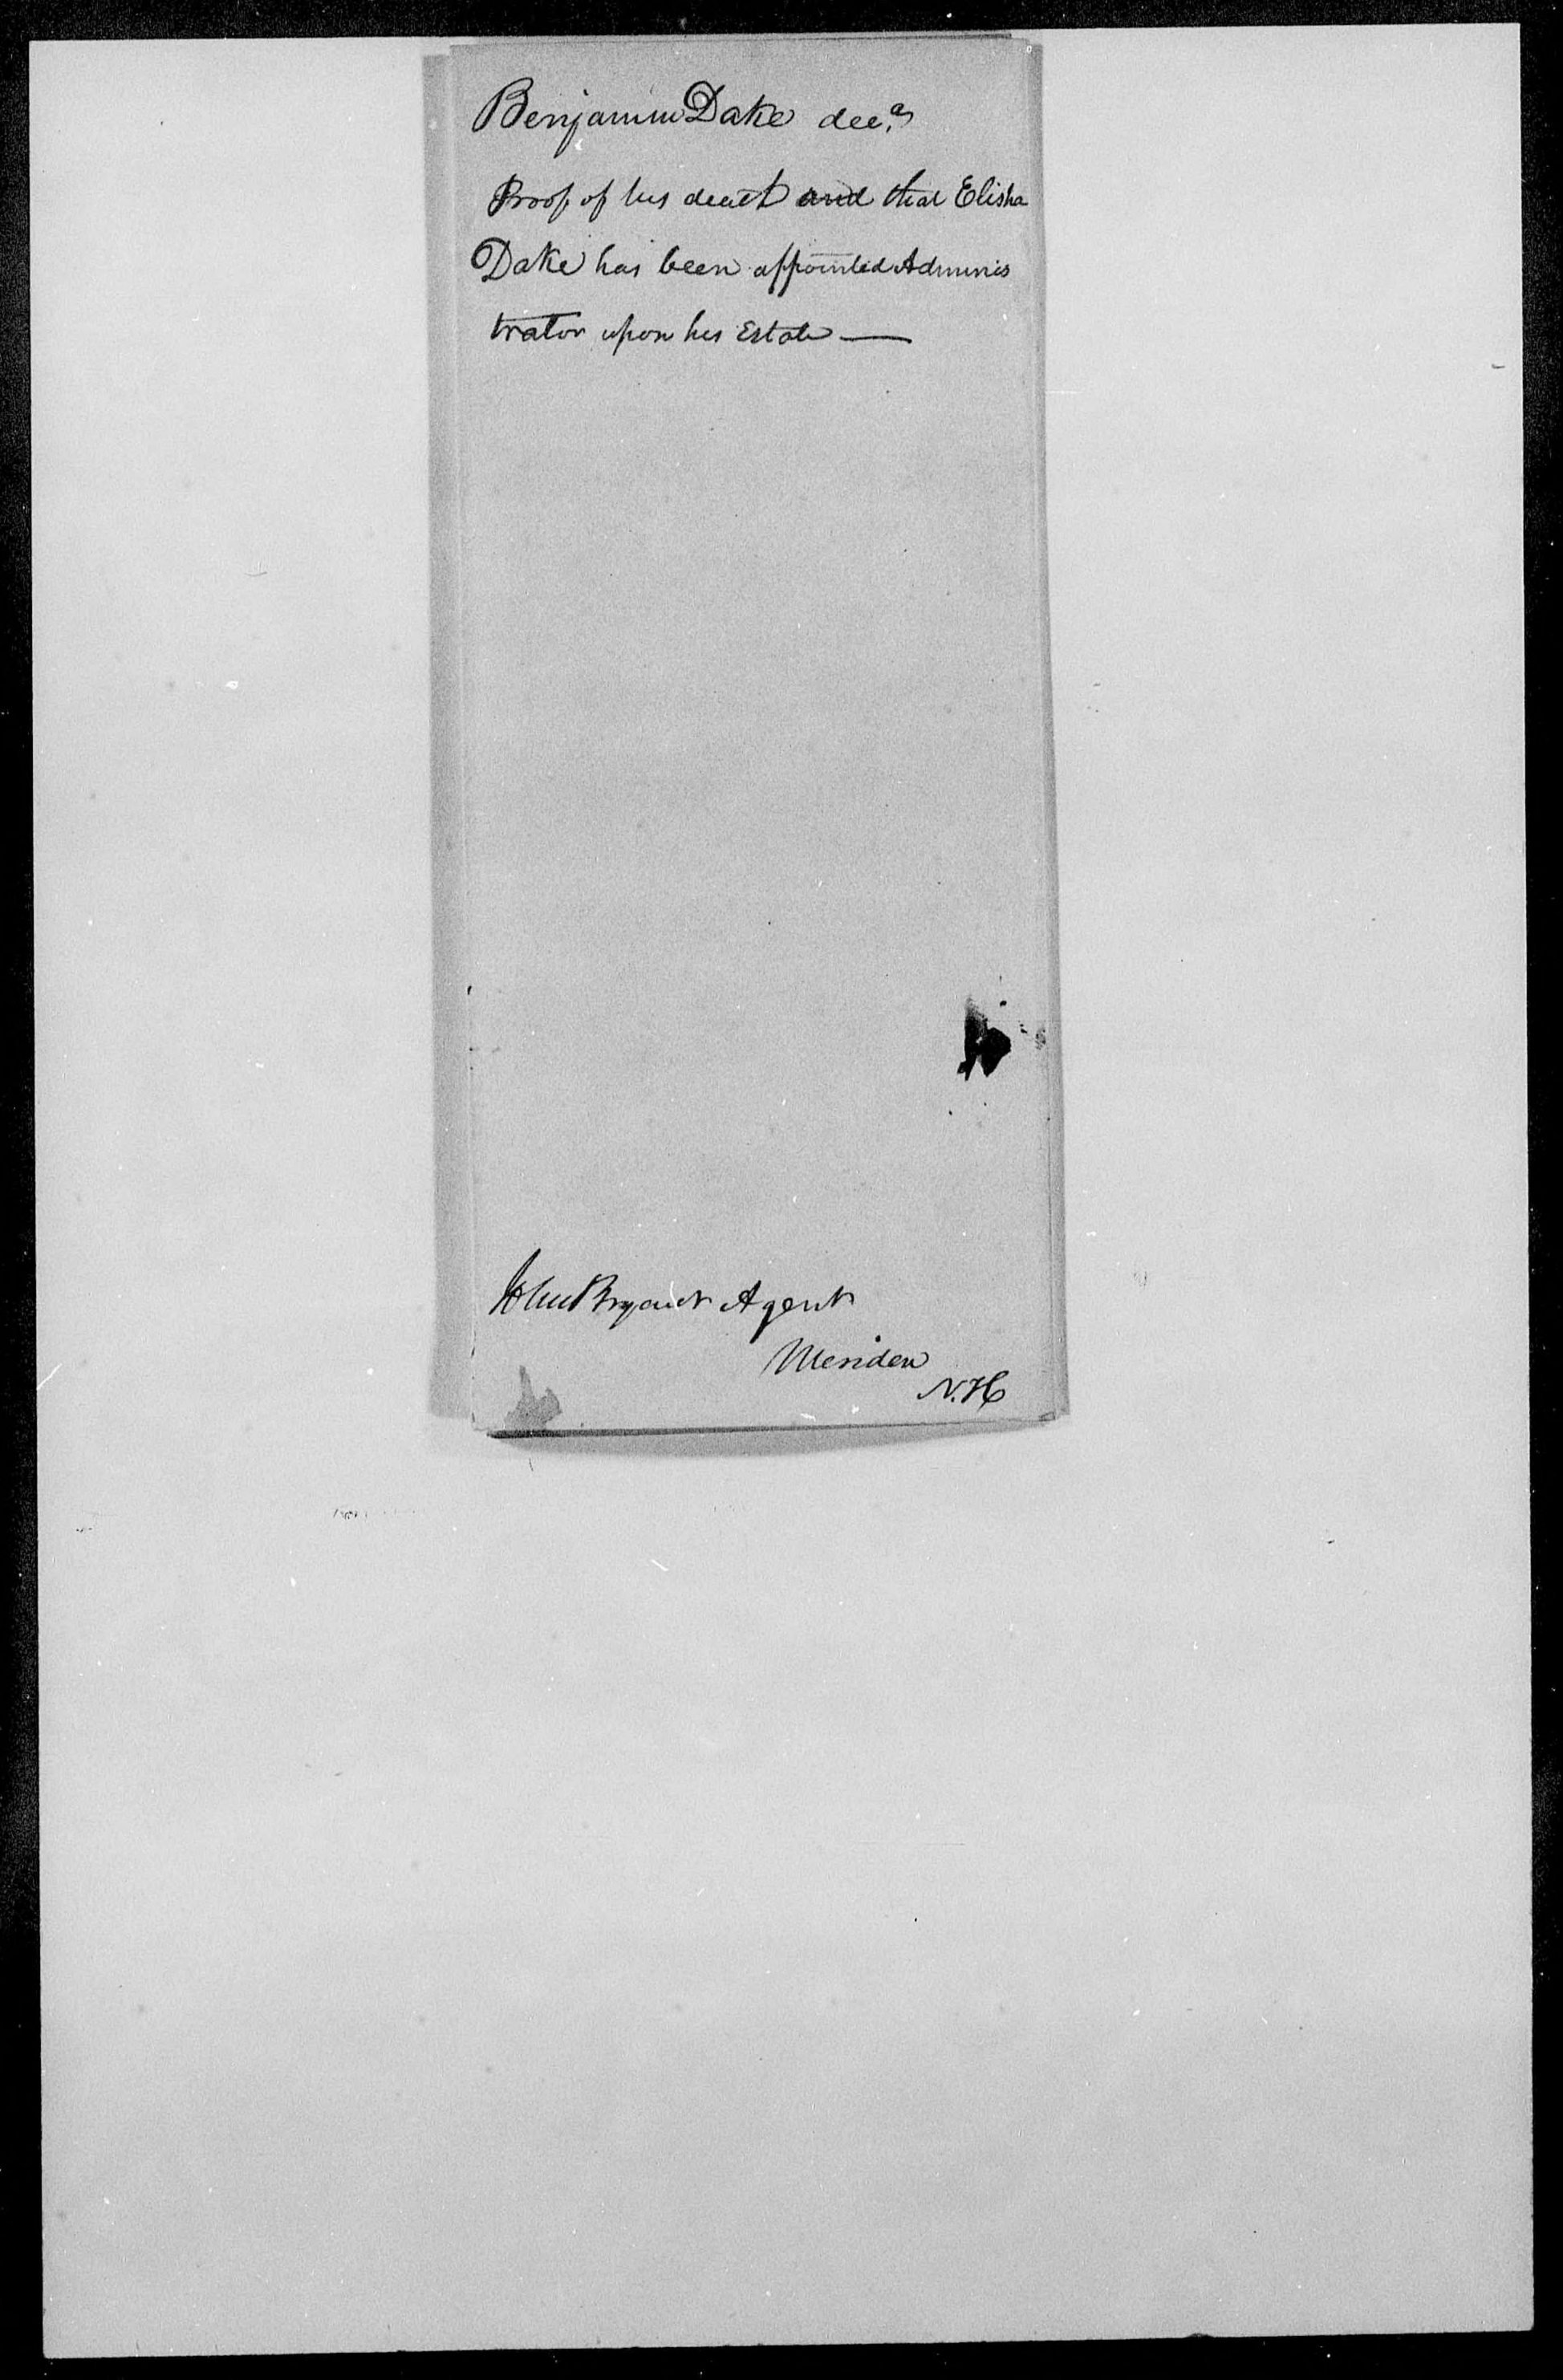Benjamin Dake see as proof of his death and that Elisha Dake has been appointed administrator upon his estate.

[illegible] Bryant Agent
Menden N.H.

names: Elisha Dake, John Bryant, Benjamin Dake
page: 4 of 42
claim: rejected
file: R. 2,625, Benjamin Dake, R.I.